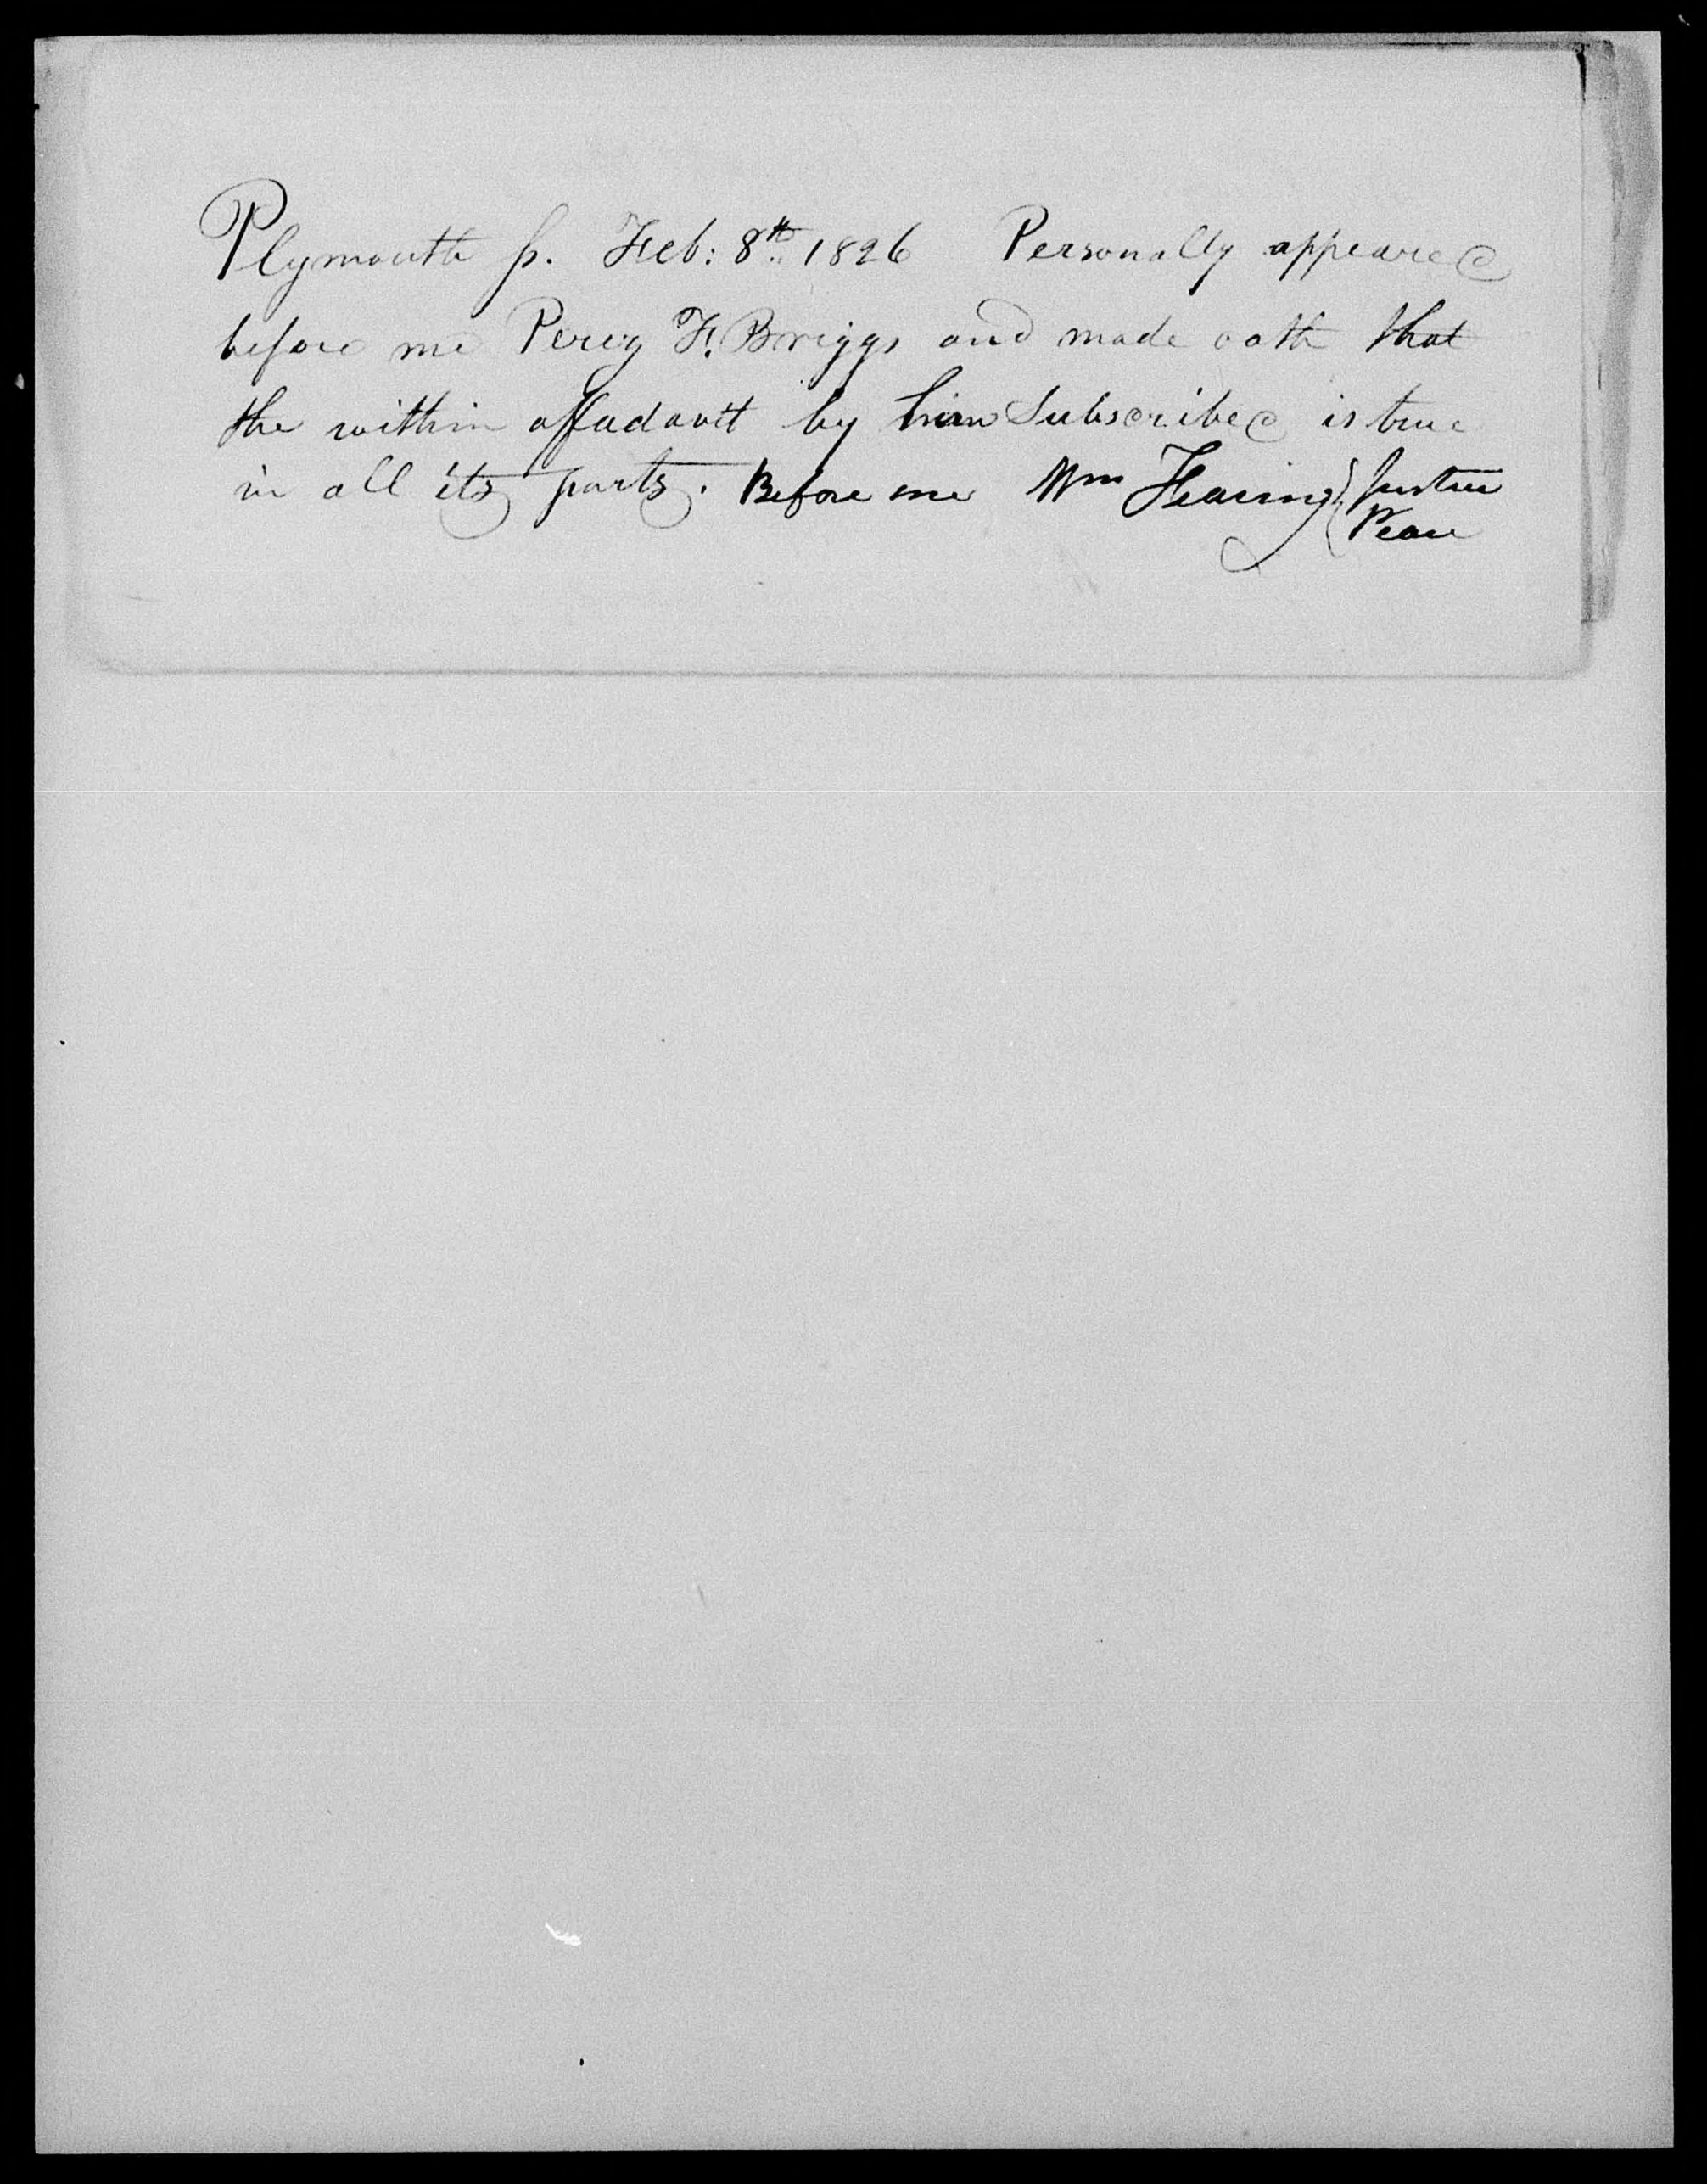Plymouth ss. Feb 8th 1826   Personally appeared
before me Perez F. Briggs and made oath that the within affidavit by him subscribed is true
in all its parts. Before me  Wm Fearing- Justice Peace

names: Perez F Briggs; Wm Fearing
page: 32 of 82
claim: widow's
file: W. 13,634, for Rufus Lincoln, Massachusetts